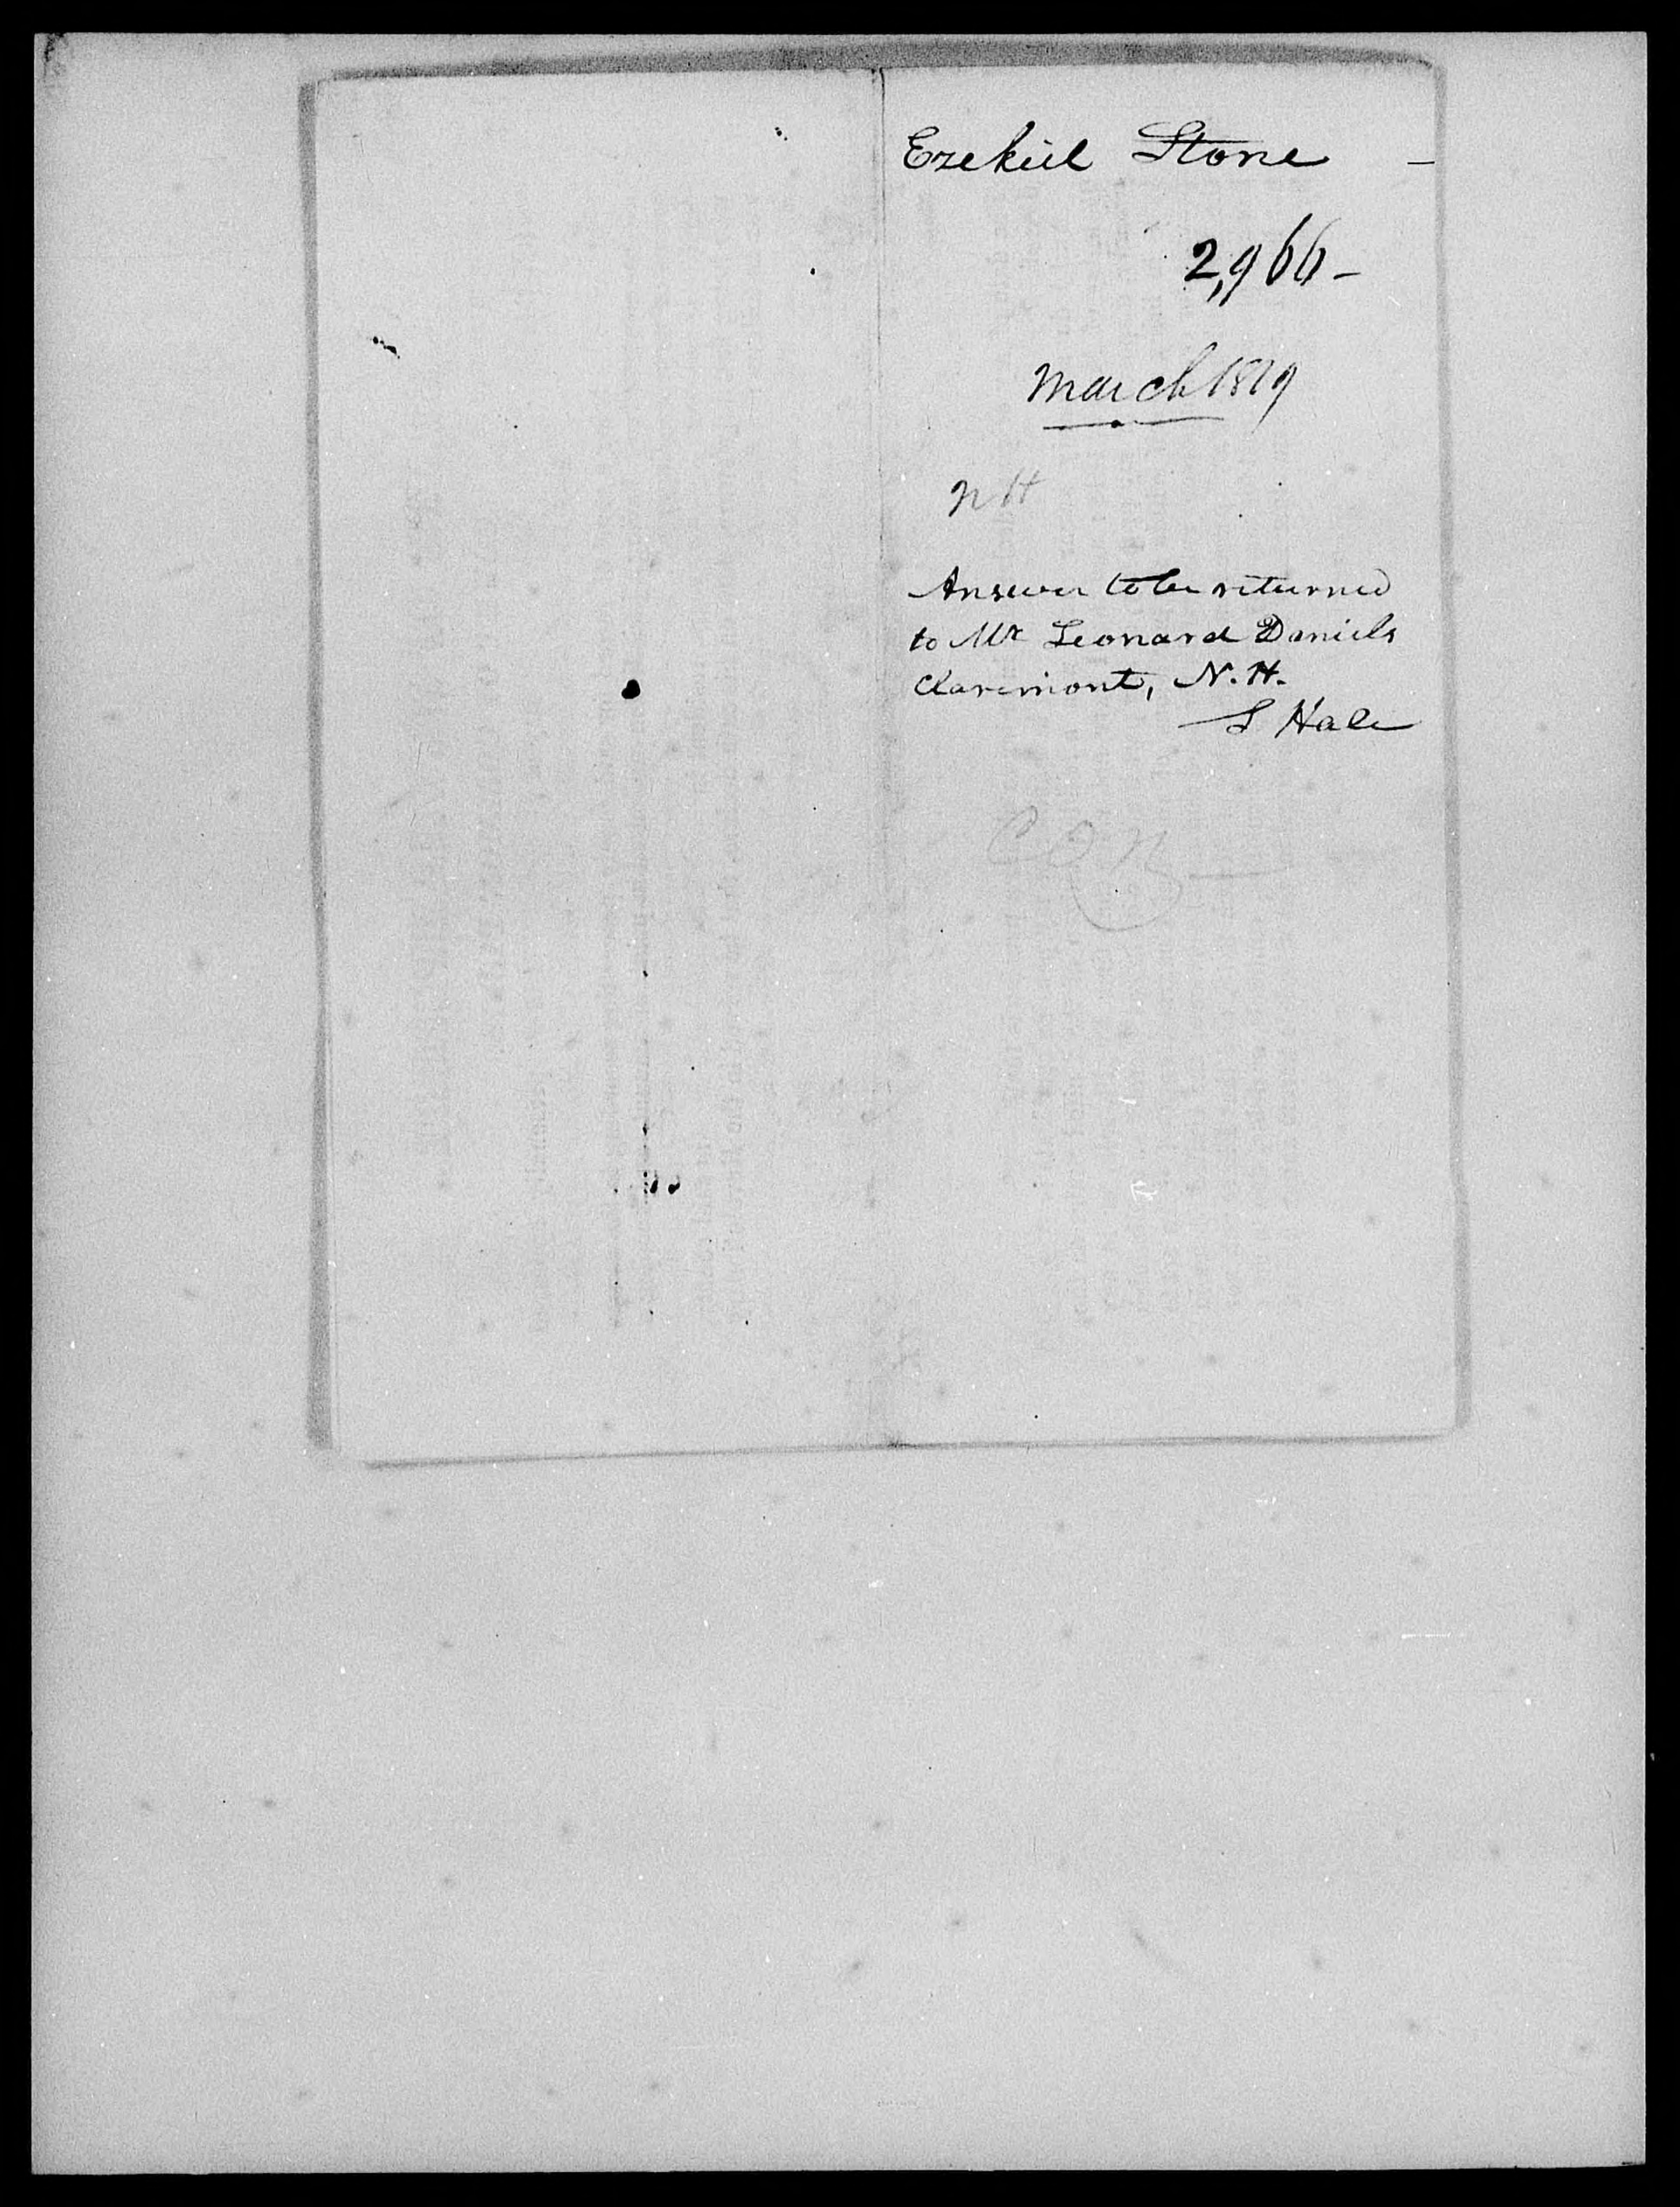Ezekiel Stone

2,966--

March 1819
_____________________
NH

Answer to be returned 
to Mr Leonard Daniels
Claremont, N.H.
S Hale

CON---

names: Ezekiel Stone; S Hale; Leonard Daniels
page: 8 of 38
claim: survivor's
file: S. 43181, for Ezekiel Stone, New Hampshire